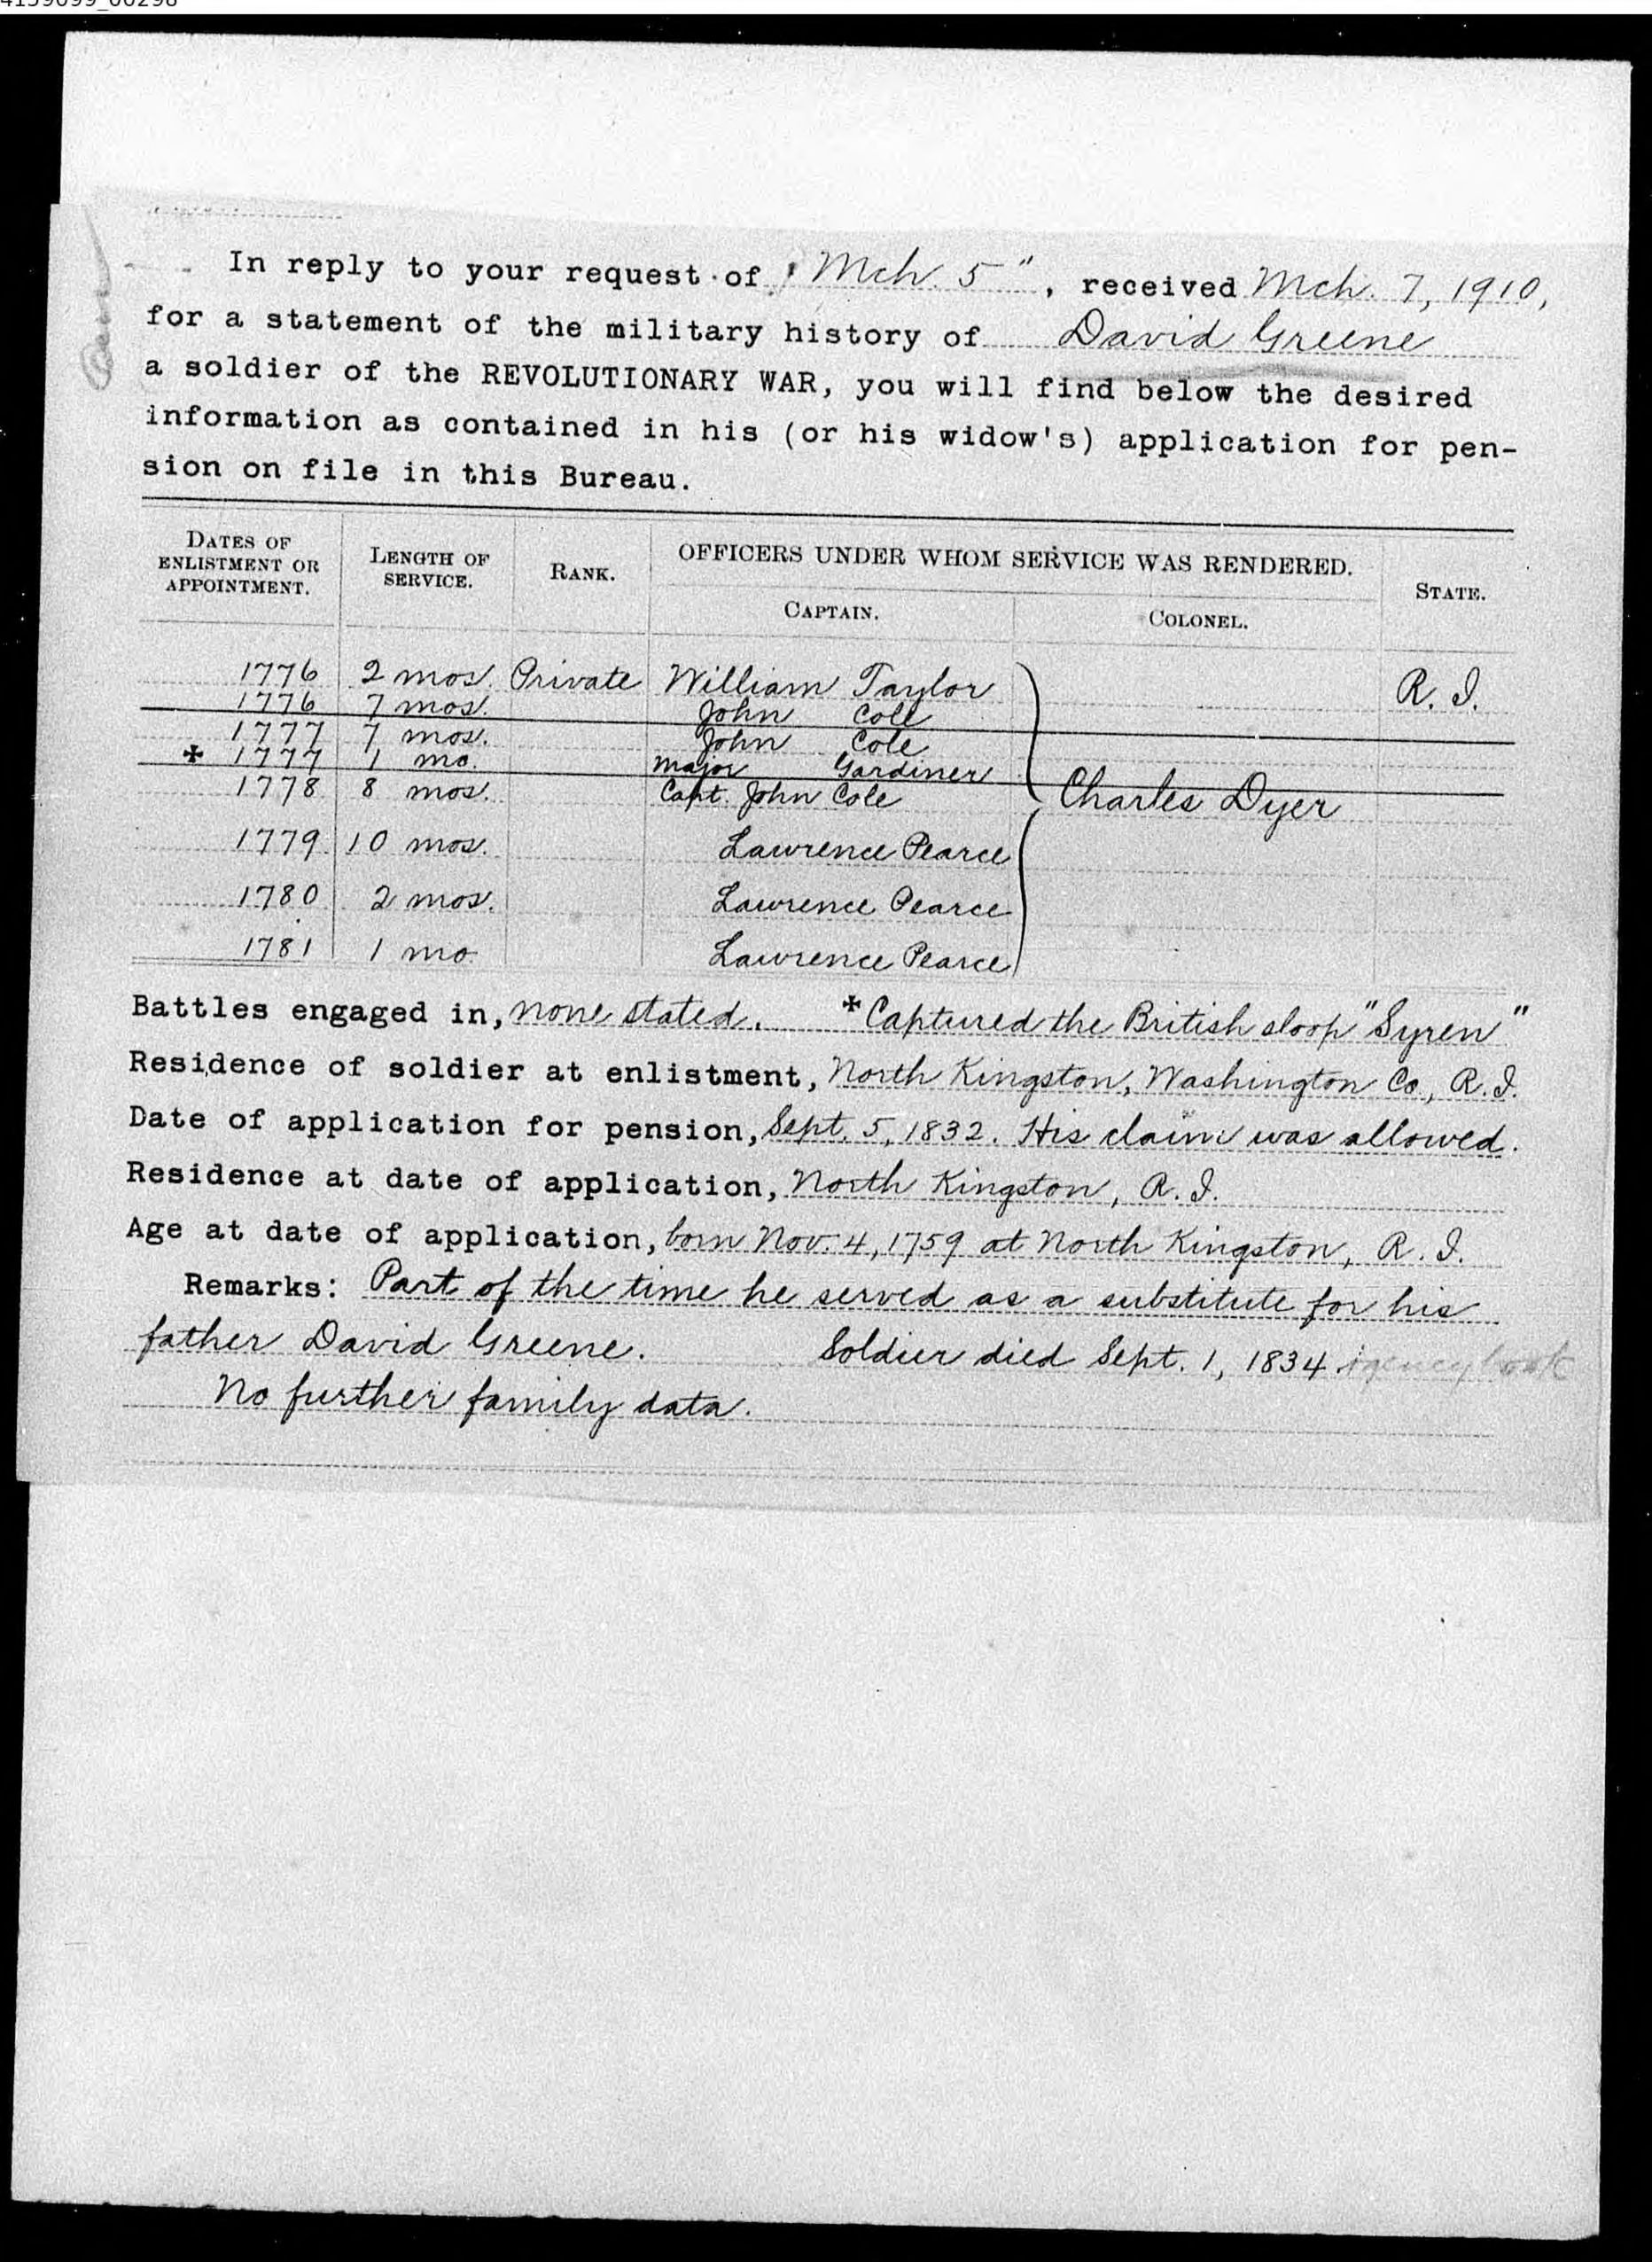In reply to your request of Mch 5", received Mch 7, 1910, for a  statement of the military history of David Greene a soldier of the REVOLUTIONARY WAR, you will find below the desire information as contained in his (or his widow's) application for pension on file in this Bureau.
DATES OF ENLISTMENT OR APPOINTMENT | LENGTH OF SERVICE | RANK | OFFICERS UNDER WHOM SERVICE WAS RENDERED 
[subheading]
CAPTAIN | COLONEL | STATE
1776 | 2 mos | Private | William Taylor | Charles Dyer | R. I.
1776 | 7 mos | John Cole | Charles Dyer | R. I. 
1777 | 7 mos | John Cole | Charles Dyer | R. I.
1777 | 1 mo | Major Gardiner | Charles Dyer | R. I.
1778 | 8 mos | Capt. John Cole | Charles Dyer | R. I.
1779 | 10 mos | Lawrence Pearce | Charles Dyer | R. I.
1780 | 2 mos | Lawrence Pearce | Charles Dyer | R. I.
1781 | 1 mo | Lawrence Pearce | Charles Dyer | R. I.
Battles engaged in, none stated, [mark] Captured the British sloop "Syren"
Residence of soldier at enlistment, North Kingston, Washington Co, R. I.
Date of application for pension, Sept 5, 1832.  His claim was allowed.
Residence at date of application, North Kingston, R. I.
Remarks: Part of the time he served as a substitute for his father David Greene.  Soldier died Sept 1, 1834 Agency book
No further family data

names: Lawrence Pearce, Lawrence Pearce, William Taylor, John Cole, Lawrence Pearce, David Greene, Charles Dyer, John Cole, David Greene, John Cole, Gardiner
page: 16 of 27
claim: survivor's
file: S. 21,245, David Greene, R.I.